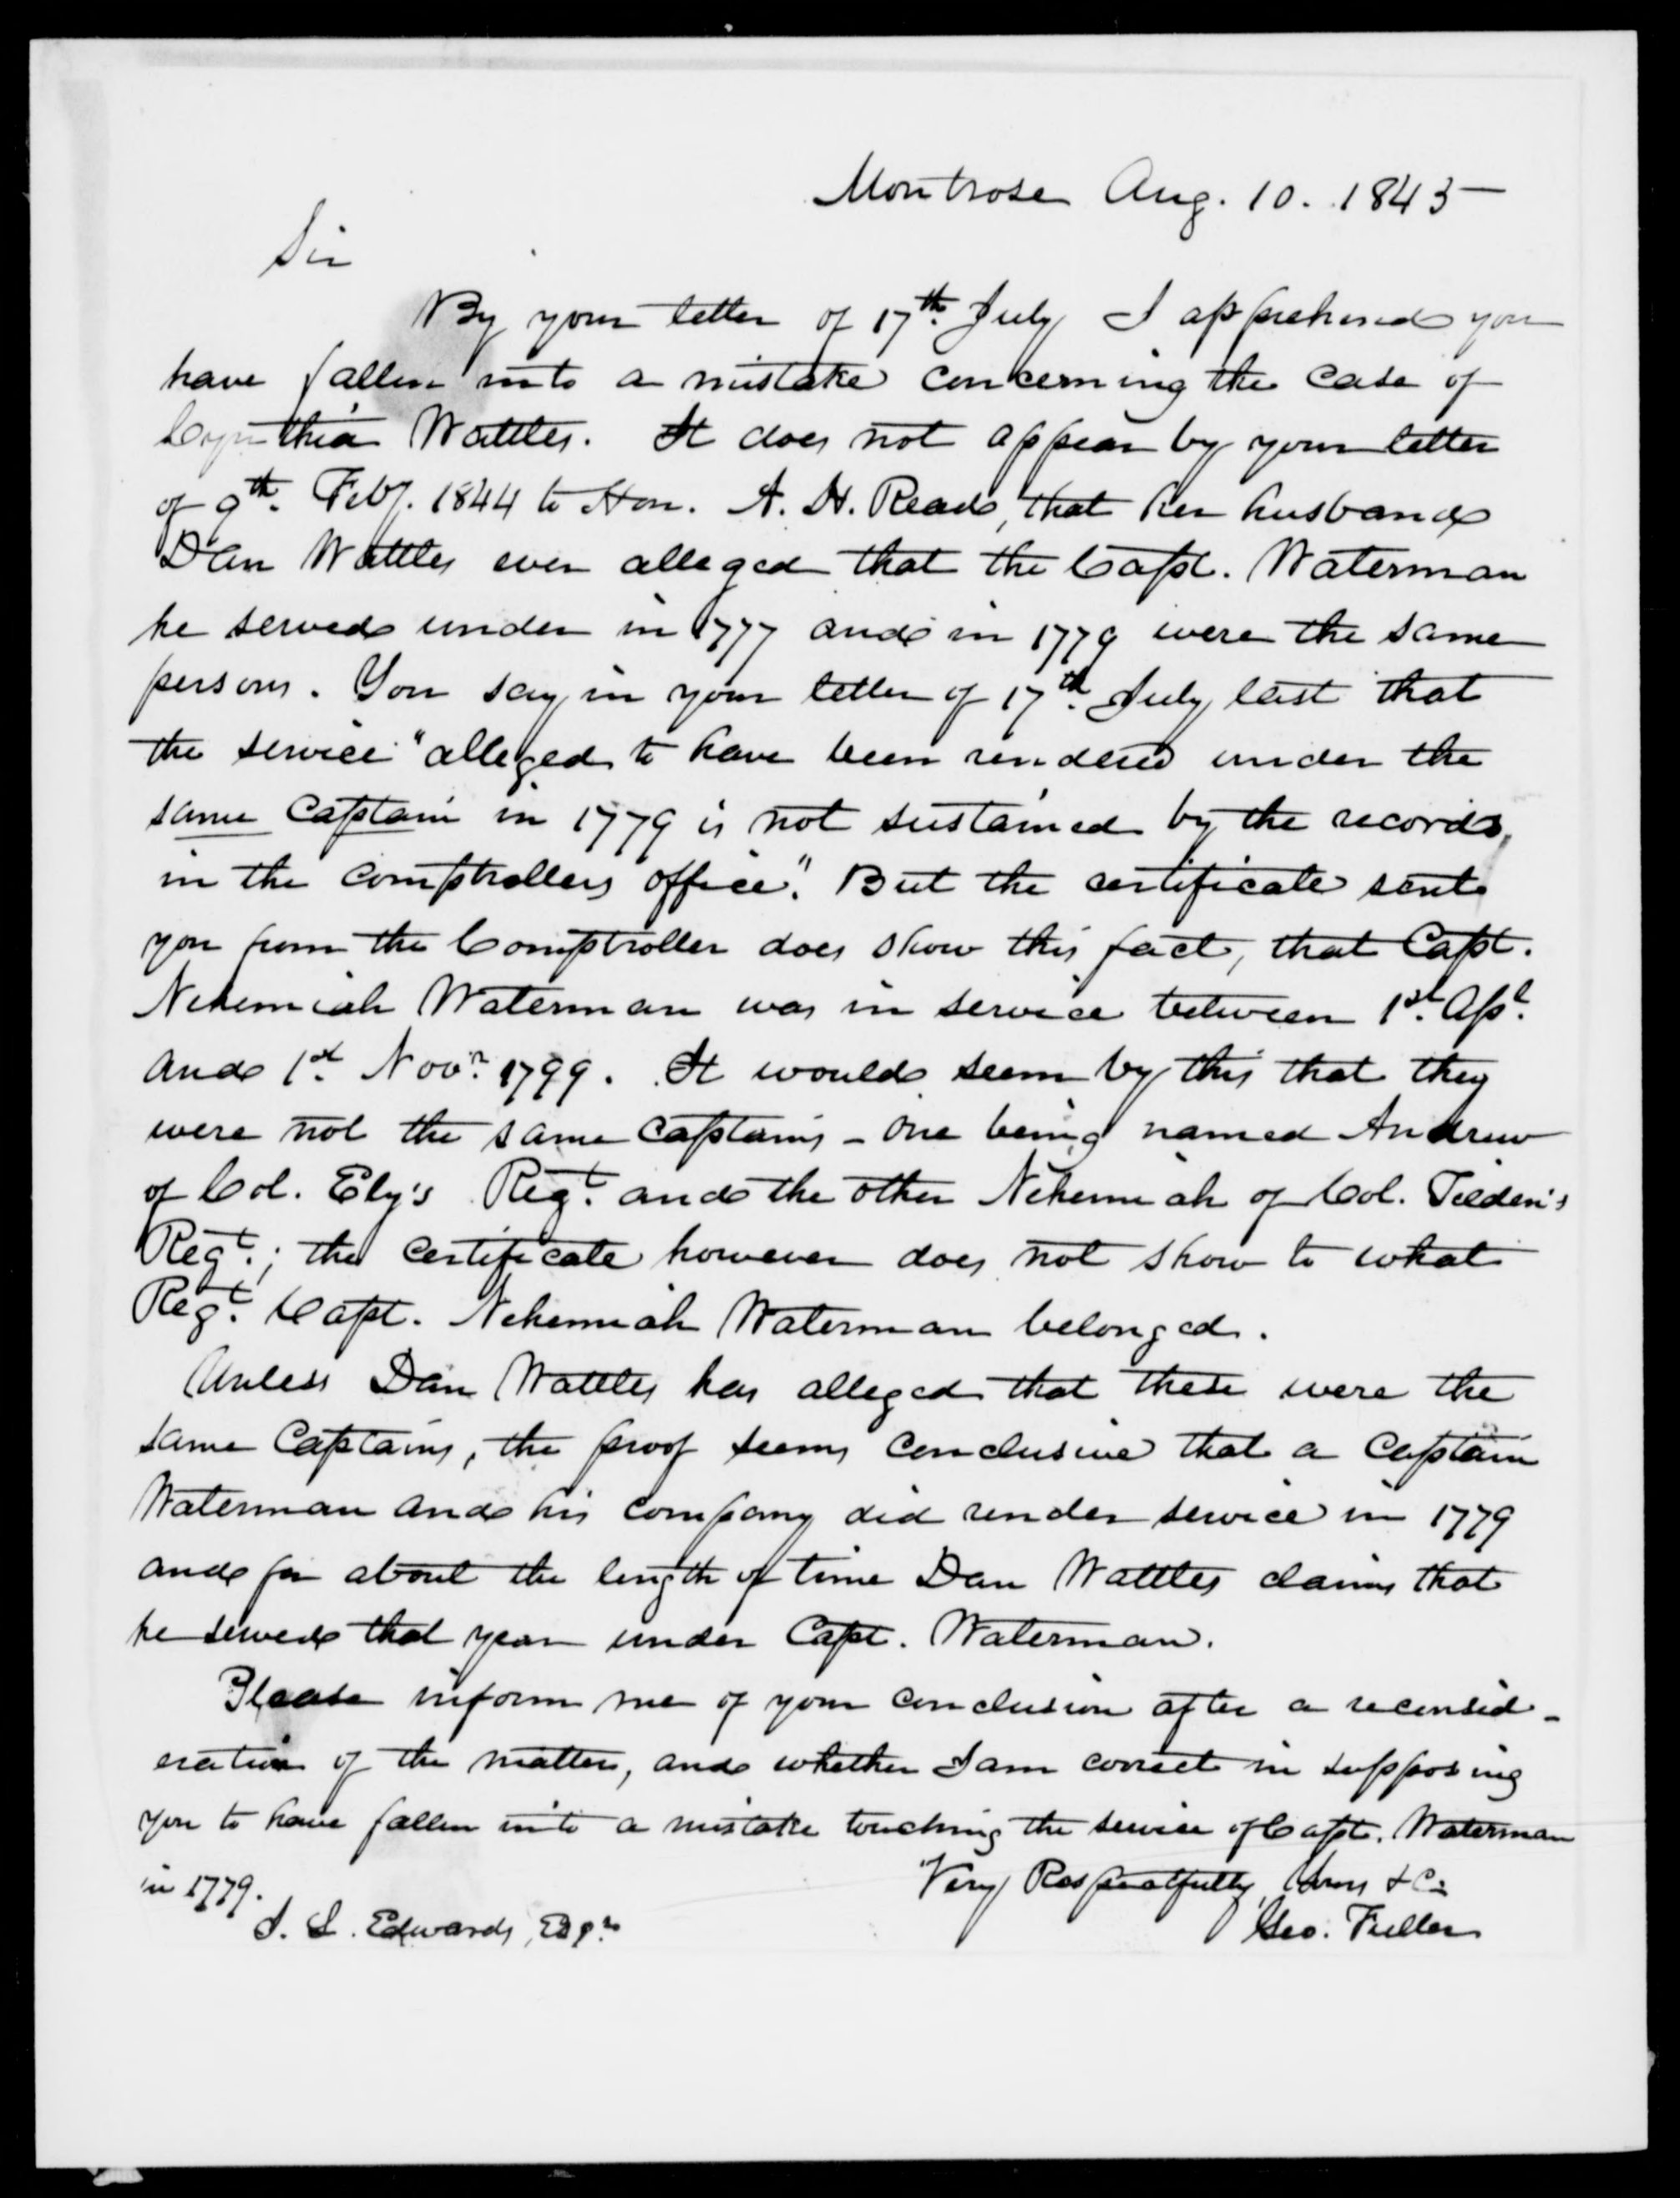Montrose Aug. 10. 1845
Sir
By your letter of 17th July I apprehend you have fallen into a mistake concerning the case of Cynthia Wattles. It does not appear by your letter of 9th Feby. 1844 to Hon. A.H. Read, that her husband Dan Wattles even alleged that the Capt. Waterman he served under in 1777 and in 1779 were the same persons. You say in your letter of 17th July last that the service alleged to have been rendered under the same Captain in 1779 is not sustained by the records, in the Comptrollers office. But the certificate sent you from the Comptroller does show this fact, that Capt. Nehemiah Waterman was in service between 1st Apl and 1st Novr 1799. It would seem by this that they were not the same Captains - one being named Andrew of Col. Ely's Regt and the other Nehemiah of Col. Tilden's Regt, the certificate however does not show to what Regt Capt Nehemiah Waterman belonged

Unless Dan Wattles has alleged that these were the same Captains, the proof seems conclusive that a captain Waterman and his company did render service in 1779 and for about the length of time Dan Wattles claims that he served that year under Capt. Waterman

Please inform me of your conclusion after a reconsideration of the matter, and whether I am correct in supposing you to have fallen into a mistake touching the service of Capt. Waterman in 1779.
Very Respectfully yours &c.
Geo Fuller
J L. Edwards, Esqu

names: Cynthia Wattles, Andrew, Dan Wattles, J L Edwards, Nehemiah Waterman, Geo Fuller, A H Read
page: 41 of 70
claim: widow's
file: W. 3743, Dan Wattles, Conn.